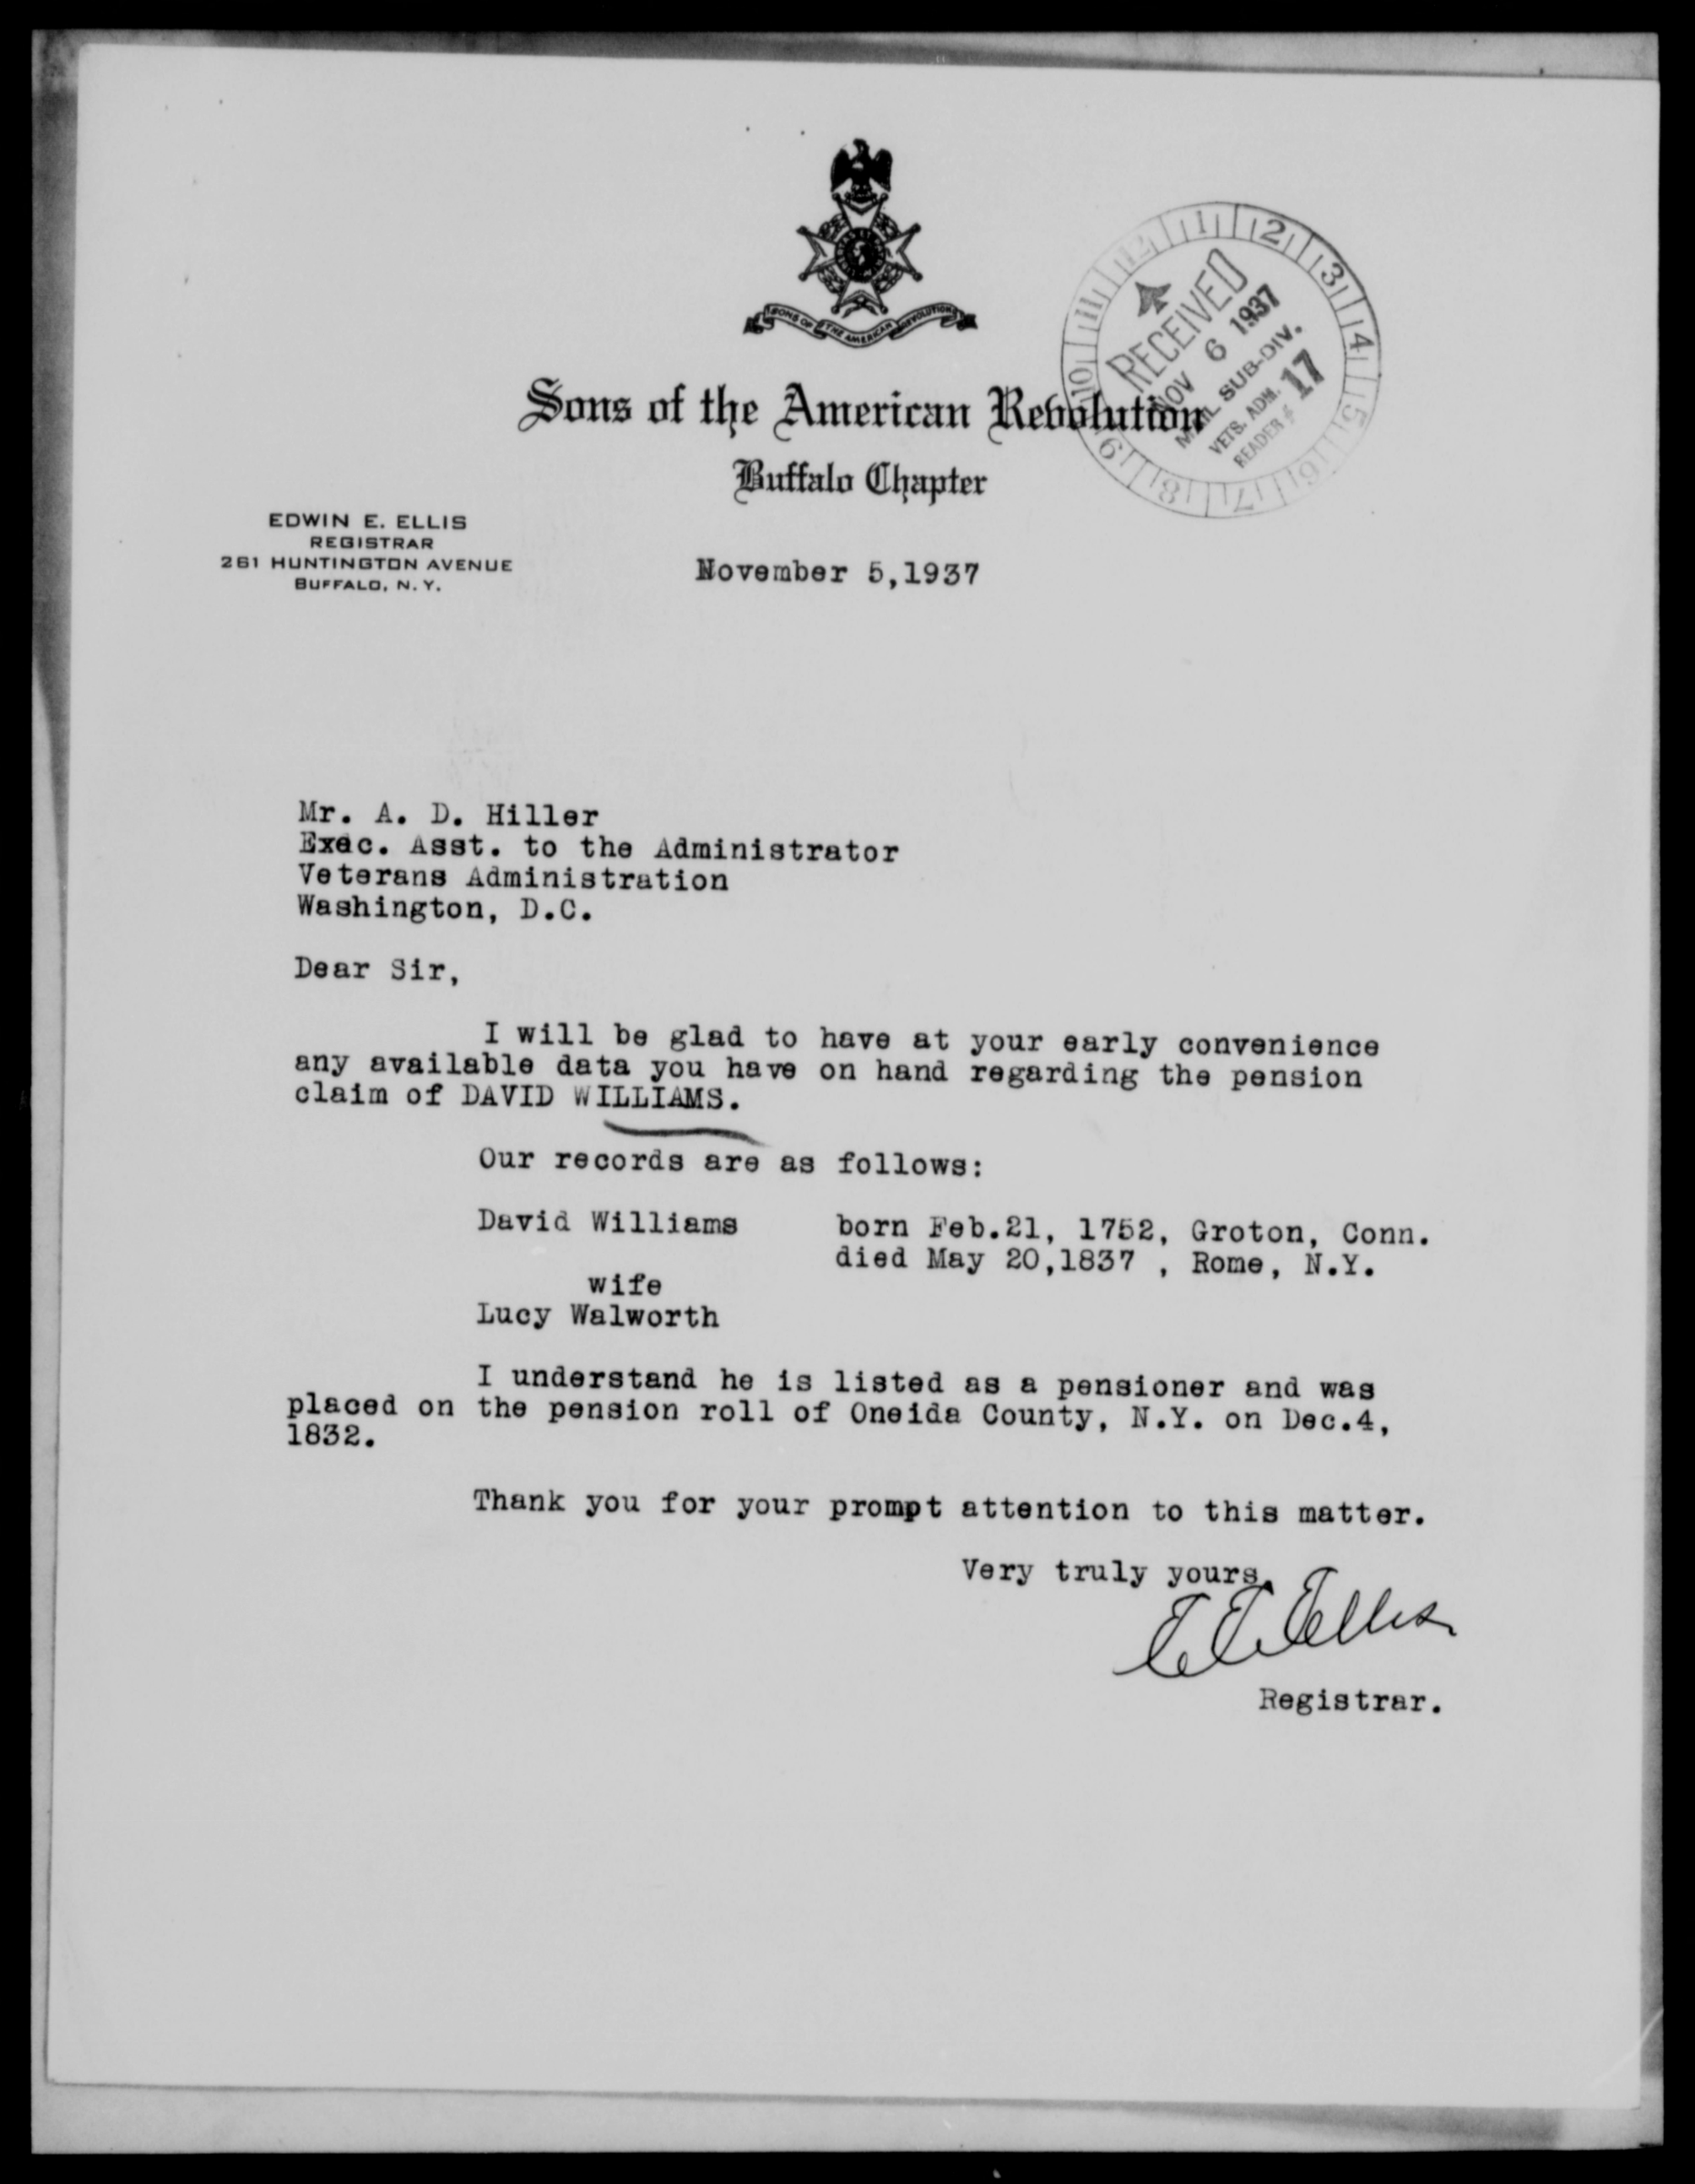(stamp): Received Nov 6 1937 Mail Rub-Div. Vets. Adm. Reader 17

Sons of the American Revolution
Buffalo Chapter

Edwin E. Ellis
Registrar
261 Huntington Avenue
Buffalo, N. Y.

November 5, 1937

Mr. A. D. Hiller
Exec. Asst. to the Administrator
Veterans Administration
Washington, D. C.

Dear Sir,
I will be glad to have at your early convenience any available data you have on hand regarding the pension claim of DAVID WILLIAMS.
Our records are as follows:

David Williams  born Feb. 21, 1752, Groton, Conn. Died May 20, 1837, Rome, N. Y.
wife Lucy Walworth

I understand he is listed as a pensioner and was placed on the pension roll of Oneida County, N. Y. on Dec. 4, 1832.  
Thank you for your prompt attention to this matter. 
Very truly yours 
E E Ellis
Registrar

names: A D Hiller, Lucy Walworth, David Williams, Edwin E Ellis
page: 60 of 63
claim: widow's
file: W. 22,632, David Williams, Conn. Continental Privateer